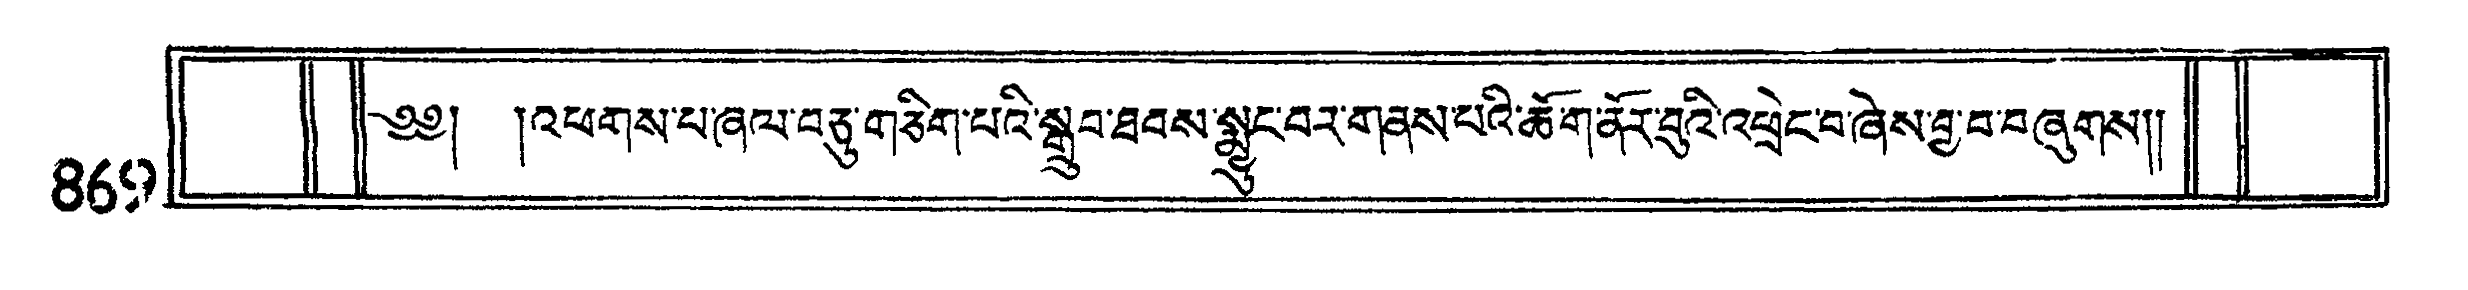༄༅། །འཕགས་པ་ཞལ་བཅུ་གཅིག་པའི་སྒྲུབ་ཐབས་སྨྱུང་བར་གནས་པའི་ཆོ་ག་ནོར་བུའི་འཕྲེང་བ་ཞེས་བྱ་བ་བཞུགས།།